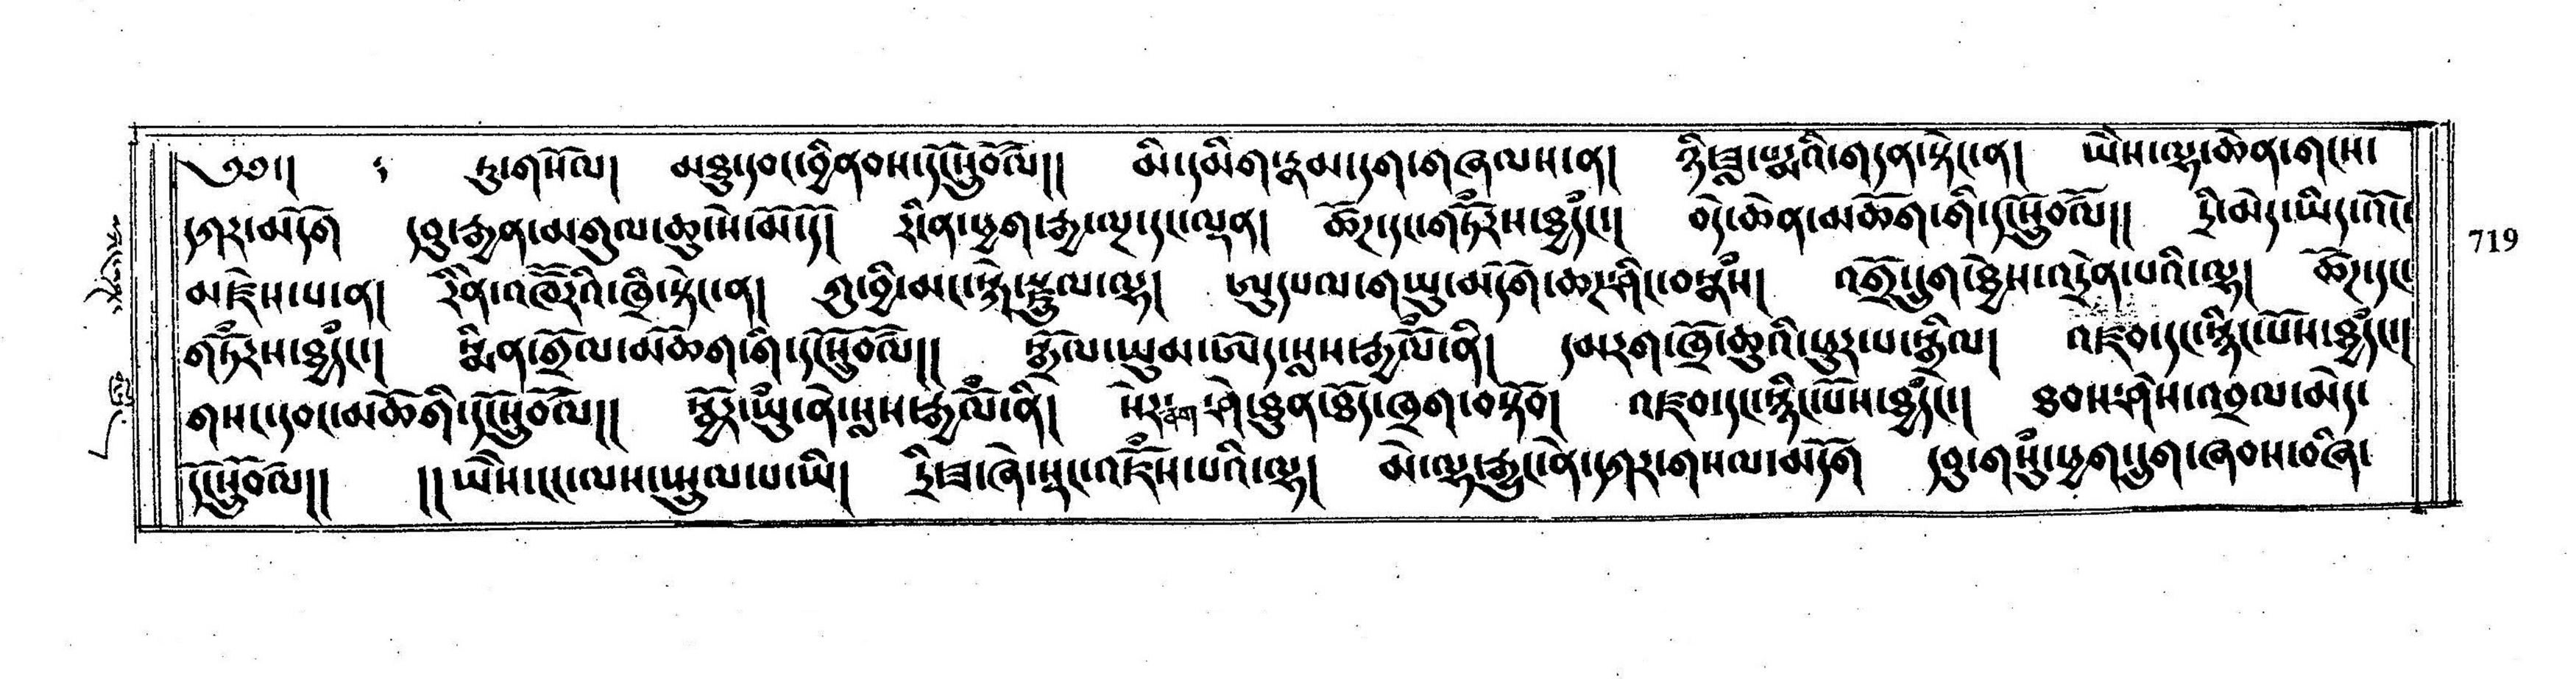ཏུ་གསོལ། མཐུ་དབང་བྱིན་རླབས་དངོས་གྲུབ་སྩོལ།། མི་དམིགས་རྣམ་དག་གཞལ་ཡས་ན། ཉི་ཟླ་པདྨའི་གདན་སྟེང་ན། ཡེ་ཤེས་ལྷ་ཆེན་གངས་
དཀར་མདོག དབུ་རྒྱན་མགུལ་ཆུ་སེ་མོ་དོ། རང་བཞིན་ཕྱག་རྒྱ་ལྔ་དང་ལྡན། ཚོགས་དང་གཏོར་མས་ཐུགས་དམ་བསྐང་། བདེ་ཆེན་མཆོག་གི་དངོས་གྲུབ་སྩོལ།། དྲི་མེད་ཡིད་འོང་
མཛེས་པ་ན། རིན་ཆེན་འཁོར་ལོའི་ཁྲི་སྟེང་ན། ཀུ་བྱི་མང་སྐེ་རྫུ་འཕྲུལ་ལྷ། ཨུད་དཔལ་གཡུ་མདོག་ཆགས་ཤིང་བསྣམས། འགྲོ་དྲུག་ཐུགས་རྗེ་འདྲེན་པའི་ལྷ། ཚོགས་དང་
གཏོར་མས་ཐུགས་དམ་བསྐང་། སྨིན་གྲོལ་མཆོག་གི་དངོས་གྲུབ་སྩོལ།། སྒྲོལ་ཡུམ་ཨོད་སླས་རྒྱལ་མོ་ནི། དམར་ནག་ཁྲོ་ཆུའི་ཕུར་པ་སྒྲིལ། འཛབ་དང་སྙིང་པོས་ཐུགས་དམ་བསྐང་། 
གསང་དབང་མཆོག་གི་དངོས་གྲུབ་སྩོལ།། སྦྱོར་ཡུམ་ནེ་སླས་རྒྱལ་མོ་ནི། སེར་ནག་ཤེ་ཐུན་ཐོད་ཁྲག་བསྟོབ། འཛབ་དང་སྙིང་པོས་ཐུགས་དམ་བསྐང་། ཐབས་ཤེས་འབྲལ་མེད་
དངོས་གྲུབ་སྩོལ།། །།ཡེ་ཤེས་ངང་ལས་སྤྲུལ་པ་ཡི། དྲི་ཟ་ཞེ་སྡང་འཇོམས་པའི་ལྷ། མེ་ལྷ་རྒྱུང་ནེ་དཀར་གསལ་མདོག དབུ་གསུམ་ཕྱག་དྲུག་ཞབས་བཞི་